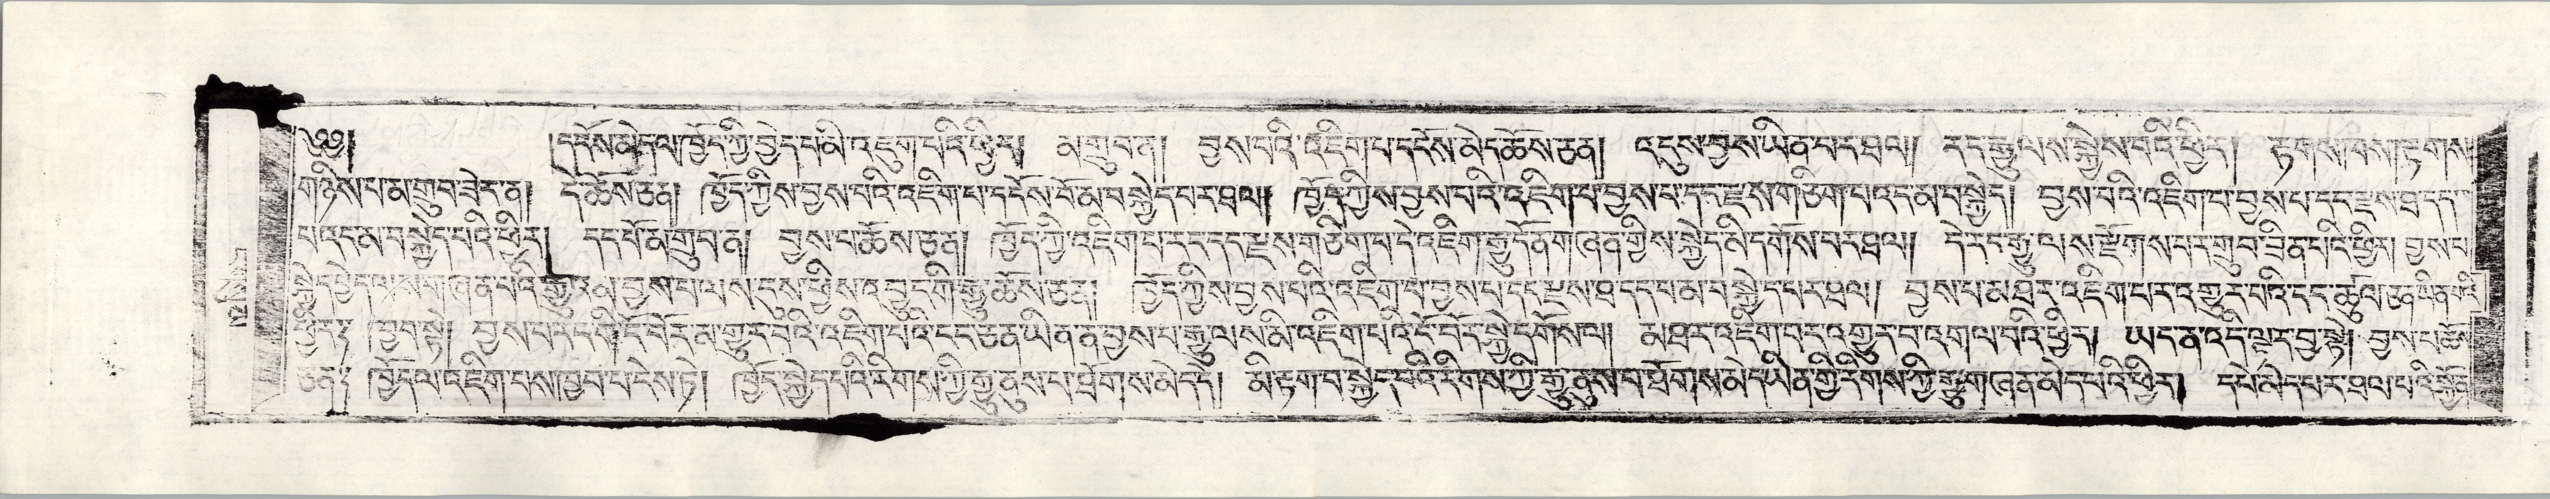༄༅། །དངོས་མེད་ལ་ཁྱོད་ཀྱི་བྱེད་པ་མི་འཇུག་པའི་ཕྱིར། མ་གྲུབ་ན། བྱས་པའི་འཇིག་པ་དངོས་མེད་ཆོས་ཅན། འདུས་བྱས་ཡིན་པར་ཐལ། རང་རྒྱུ་ལས་སྐྱེས་པའི་ཕྱིར། རྟགས་ཁས། རྟགས་
གཉིས་པ་མ་གྲུབ་ཟེར་ན། དེ་ཆོས་ཅན། ཁྱོད་ཀྱིས་བྱས་པའི་འཇིག་པ་དངོས་པོ་མ་བསྐྱེད་པར་ཐལ། ཁྱོད་ཀྱིས་བྱས་པའི་འཇིག་པ་བྱས་པ་དང་རྫས་གཅིག་པའང་མ་བསྐྱེད། བྱས་པའི་འཇིག་པ་བྱས་པ་དང་རྫས་ཐ་དད་
པའང་མ་བསྐྱེད་པའི་ཕྱིར། དང་པོ་མ་གྲུབ་ན། བྱས་པ་ཆོས་ཅན། ཁྱོད་ཀྱི་འཇིག་པ་རང་དང་རྫས་གཅིག་པ་དེ་འཇིག་རྒྱུ་དོན་གཞན་གྱིས་སྐྱེད་མི་དགོས་པར་ཐལ། དེ་རང་རྒྱུ་ལས་རྫོགས་པར་གྲུབ་ཟིན་པའི་ཕྱིར། བྱས་པ་
སྐྱེད་བྱེད་ལས་གཞན་པའི་རྒྱུའམ་བྱས་པ་ལས་དུས་ཕྱིས་འབྱུང་གི་རྒྱུ་ཆོས་ཅན། ཁྱོད་ཀྱིས་བྱས་པའི་འཇིག་པ་བྱས་པ་དང་རྫས་ཐ་དད་པ་མ་བསྐྱེད་པར་ཐལ། བྱས་པ་མཐར་འཇིག་པར་འགྱུར་བའི་ངང་ཚུལ་ཅན་ཡིན་པའི་
ཕྱིར། ཁྱབ་སྟེ། བྱས་པ་རང་གི་ངོ་བོར་མ་གྱུར་བའི་འཇིག་པའི་ངང་ཚུལ་ཅན་ཡིན་ན་བྱས་པ་རྒྱུ་ལས་མི་འཇིག་པའི་ངོ་བོར་སྐྱེ་དགོས་ལ། མཐར་འཇིག་པར་འགྱུར་བ་འགལ་བའི་ཕྱིར། ཡང་ན་འདི་ལྟར་བྱ་སྟེ། བྱས་པ་ཆོས་
ཅན། ཁྱོད་ལ་འཇིག་པས་ཁྱབ་པ་ངེས་ཏེ། ཁྱོད་སྐྱེད་པའི་རིགས་ཀྱི་རྒྱུ་ནུས་པ་ཐོགས་མེད་དེ། མི་རྟག་པ་སྐྱེད་པའི་རིགས་ཀྱི་རྒྱུ་ནུས་པ་ཐོགས་མེད་ཡིན་གྱི་རིགས་ཀྱི་རྒྱུ་གཞན་མེད་པའི་ཕྱིར། དཔེ་མེད་པར་ཐལ་བའི་སྐྱོན་